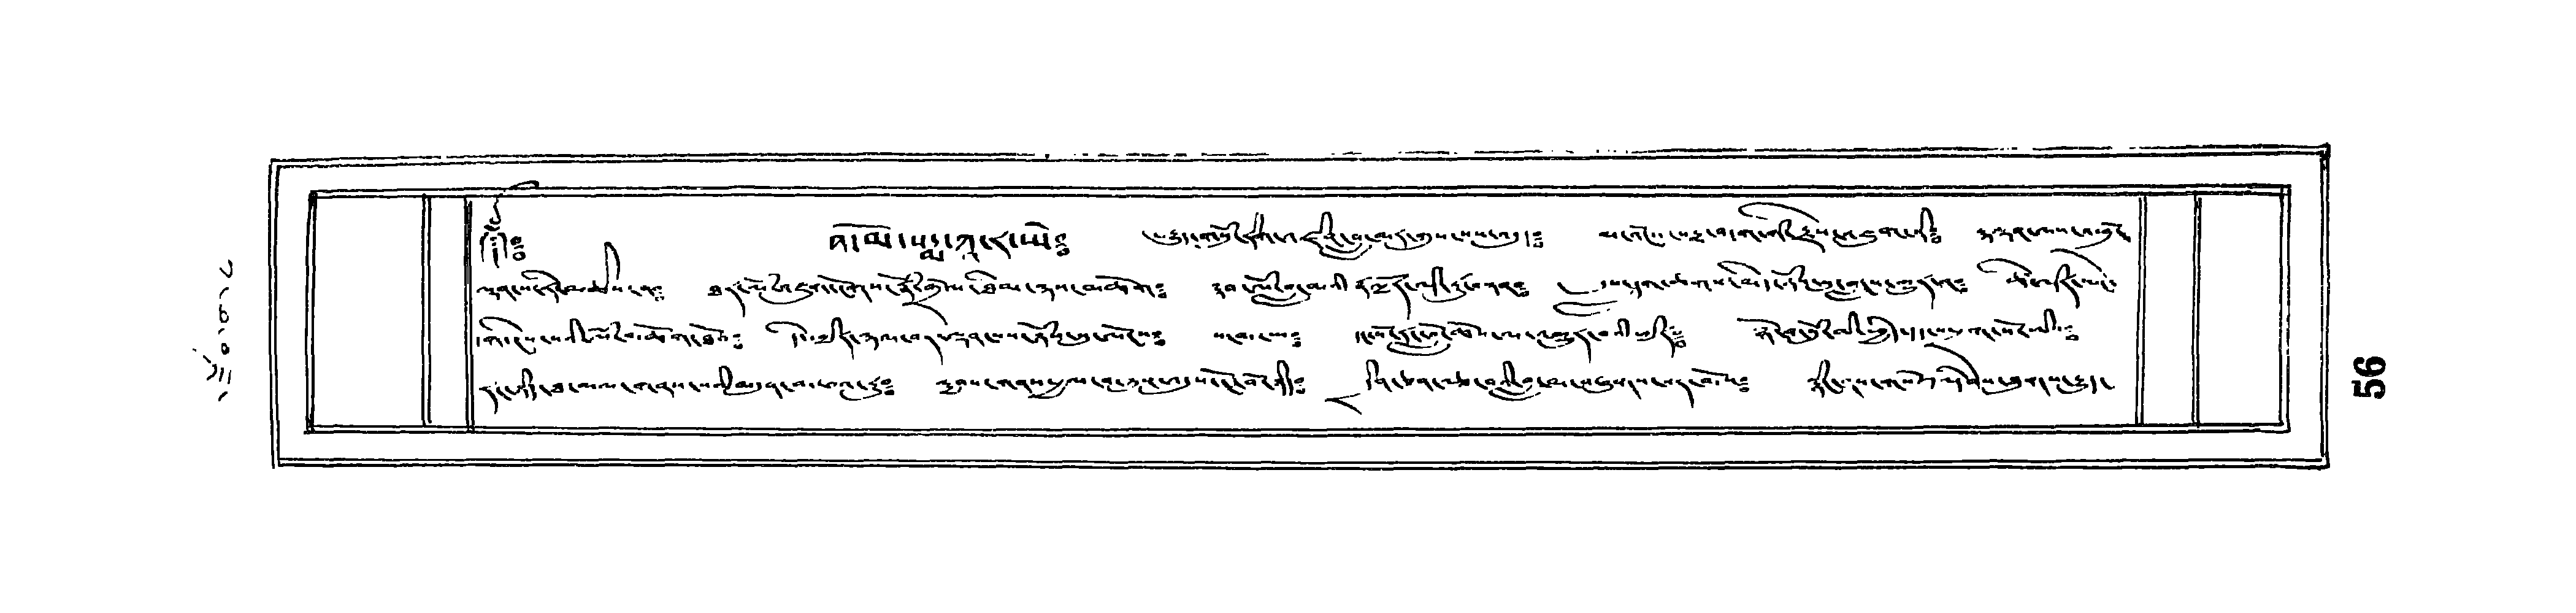ན་མོ་པདྨ་ཀཱ་ར་ཡེ༔ བརྒྱུད་གསུམ་རིག་འཛིན་བླ་མར་གུས་པས་འདུད༔ མ་འོངས་པདྨ་བདག་གི་རྗེས་འཇུག་ནི༔ སྐལ་ལྡན་ལས་འཕྲོ་
ལྡན་པ་རེ་མཆིས་ན༔ ཐར་ལམ་འཇུག་ངོགས་རྣམ་གྲོལ་ཐེམ་སྐས་མཆོག༔ ཟབ་ལམ་བླ་མའི་རྣལ་འབྱོར་འདི་རུ་བསྟན༔ དུས་དྲུག་ཆག་མེད་ཉམས་སུ་བླངས་གྱུར་ན༔ ཚེ་འདིར་ཡང་
དག་ངེས་པའི་ལམ་མཆོག་ཐོབ༔ དེ་ཕྱིར་སྐལ་བར་ལྡན་པས་ཉམས་སུ་ལོངས༔ ས་མ་ཡ༔ དང་པོ་རང་བློ་ཆོས་ལ་འགྱུར་བའི་ཕྱིར༔ སྒོ་གསུམ་མི་ཕྱེད་དད་པ་དྲག་པོ་ཡིས༔ 
རང་ཉིད་ཐ་མལ་གནས་པའི་མདུན་མཁའ་རུ༔ སྐྱབས་གནས་རྒྱལ་བ་ཀུན་འདུས་ངོ་བོ་ཉིད༔ དྲིན་ཅན་རྩ་བའི་བླ་མ་བཞུགས་པར་མོས༔ སྙིང་ནས་གསོལ་འདེབས་ཐུགས་རྒྱུད་